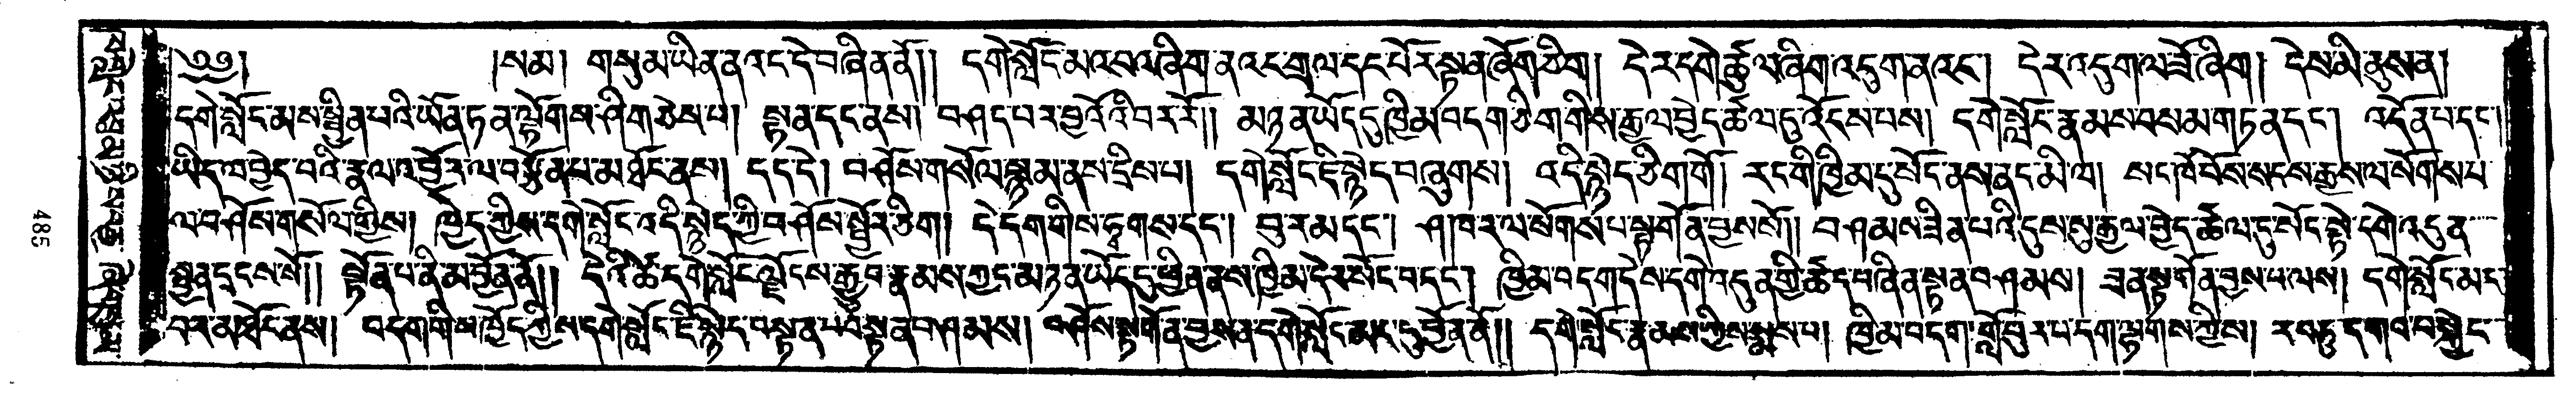༄༅། །སམ། གསུམ་ཡིན་ནའང་དེ་བཞིན་ནོ།། དགེ་སློང་མ་འབའ་ཞིག་ནའང་གྲལ་དང་པོར་སྟན་ཞོག་ཅིག། དེར་དགེ་ཚུལ་ཞིག་འདུག་ནའང་། དེར་འདུག་ལ་ཟོ་ཞིག། དེས་མི་ནུས་ན།
དགེ་སློང་མས་སྦྱིན་པའི་ཡོན་ཏན་ལྷོགས་ཤིག་ཅེས་པ། སྟན་དང་ནས། བཤད་པར་བྱའོའི་བར་རོ།། མཉན་ཡོད་དུ་ཁྱིམ་བདག་ཅིག་གིས་རྒྱལ་བྱེད་ཚལ་དུ་འོངས་པས། དགེ་སློང་རྣམས་བསམ་གཏན་དང་། འདོན་པ་དང་།
ཡིད་ལ་བྱེད་པའི་རྣལ་འབྱོར་ལ་བརྩོན་པ་མཐོང་ནས། དད་དེ། བཤོས་གསོལ་སྙམ་ནས་དྲིས་པ། དགེ་སློང་ཇི་སྙེད་བཞུགས། འདི་སྙེད་ཅིག་གོ། རང་གི་ཁྱིམ་དུ་སོང་ནས་ནང་མི་ལ། སང་ཁོ་བོས་སངས་རྒྱས་ལ་སོགས་པ་
ལ་བཤོས་གསོལ་གྱིས། ཁྱེད་ཀྱིས་དགེ་སློང་འདི་སྙེད་ཀྱི་བཤོས་སྦྱོར་ཅིག། དེ་དག་གིས་ཧྭགས་དང་། བུ་རམ་དང་། ཤ་ཁ་ར་ལ་སོགས་པ་སྟ་གོན་བྱས་སོ།། བཤམས་ཟིན་པའི་དུས་སུ་རྒྱལ་བྱེད་ཚལ་དུ་སོང་སྟེ་དགེ་འདུན་
སྦྱན་དྲངས་སོ།། སྟོན་པ་ནི་མ་བྱོན་ནོ།། དེའི་ཚེ་དགེ་སློང་ལྗོངས་རྒྱུབ་རྣམས་ཀྱང་མཉན་ཡོད་དུ་ཕྱིན་ནས་ཁྱིམ་དེར་སོང་བ་དང་། ཁྱིམ་བདག་དེས་དགེ་འདུན་གྱི་ཚད་བཞིན་སྟན་བཤམས། ཟན་སྟ་གོན་བྱས་པ་ལས། དགེ་སློང་མང་
བར་མཐོང་ནས། བདག་གིས་ཁྱོད་ཀྱིས་དགེ་སློང་ཇི་སྙེད་བསྟན་པ་བསྟན་བཤམས། བཤོས་སྟ་གོན་བྱས་ན་དགེ་སློང་མང་དུ་བྱོན་ནོ།། དགེ་སློང་རྣམས་ཀྱིས་སྨྲས་པ། ཁྱིམ་བདག་གློ་བུར་པ་དག་ལྷགས་ཀྱིས། རབ་ཏུ་དགའ་བསྐྱེད་